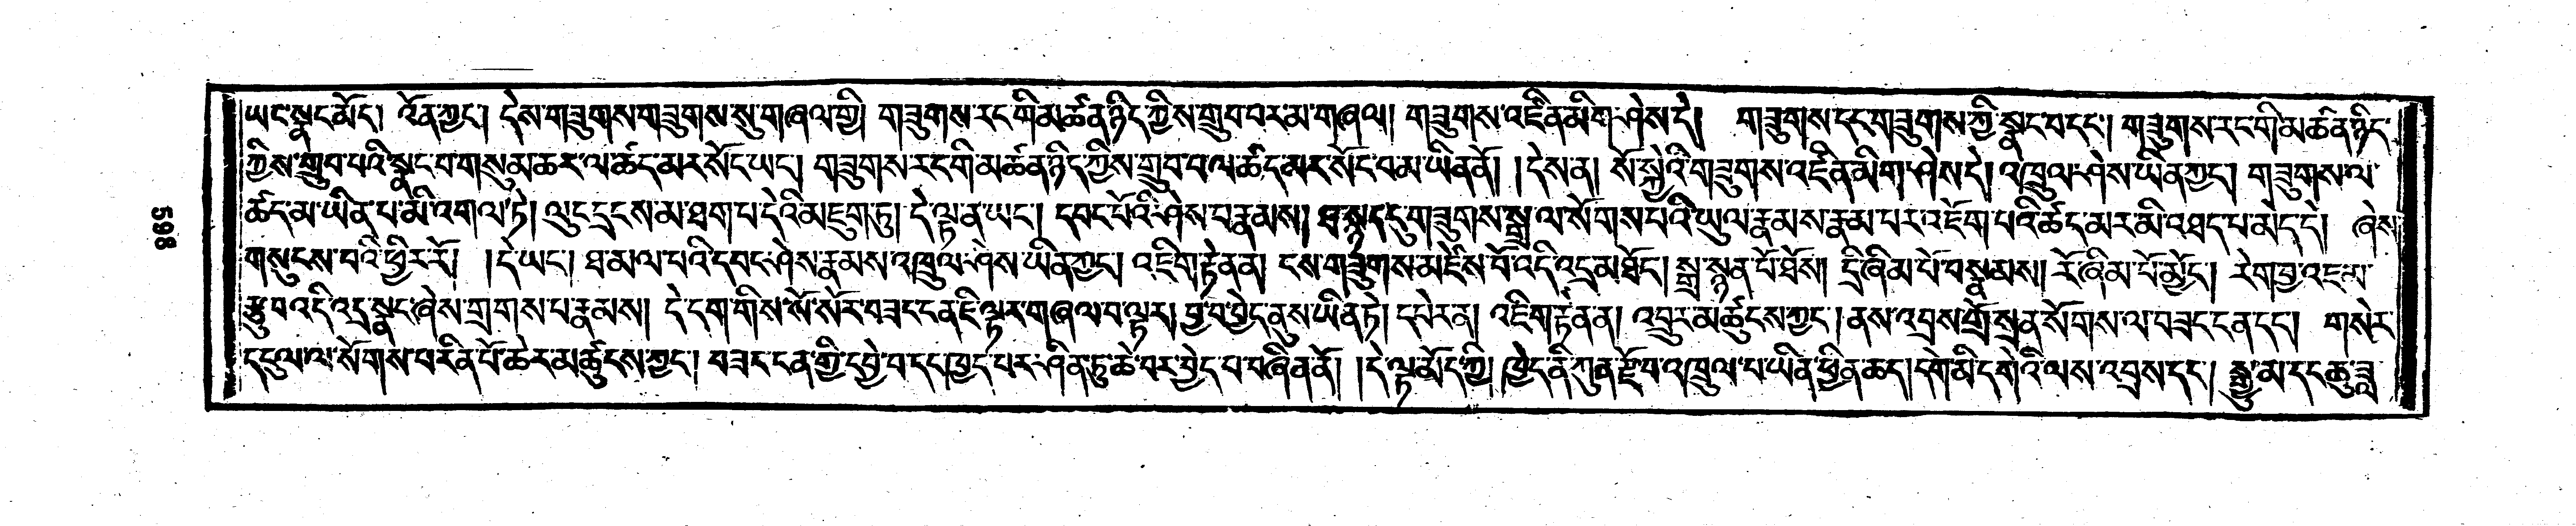ཡང་སྣང་མོད། འོན་ཀྱང་། དེས་གཟུགས་གཟུགས་སུ་གཞལ་གྱི། གཟུགས་རང་གི་མཚན་ཉིད་ཀྱིས་གྲུབ་པར་མ་གཞལ། གཟུགས་འཛིན་མིག་ཤེས་དེ། གཟུགས་དང་གཟུགས་ཀྱི་སྣང་བ་དང་། གཟུགས་རང་གི་མཚན་ཉིད་
ཀྱིས་གྲུབ་པའི་སྣང་བ་གསུམ་ཆར་ལ་ཚད་མར་སོང་ཡང་། གཟུགས་རང་གི་མཚན་ཉིད་ཀྱིས་གྲུབ་པ་ལ་ཚད་མར་སོང་བ་མ་ཡིན་ནོ། །དེས་ན། སོ་སྐྱེའི་གཟུགས་འཛིན་མིག་ཤེས་དེ། འཁྲུལ་ཤེས་ཡིན་ཀྱང་། གཟུགས་ལ་
ཚད་མ་ཡིན་པ་མི་འགལ་ཏེ། ལུང་དྲངས་མ་ཐག་པ་དེའི་མཇུག་ཏུ། དེ་ལྟ་ན་ཡང་། དབང་པོའི་ཤེས་པ་རྣམས། ཐ་སྙད་དུ་གཟུགས་སྒྲ་ལ་སོགས་པའི་ཡུལ་རྣམས་རྣམ་པར་འཇོག་པའི་ཚད་མར་མི་འཐད་པ་མེད་དེ། ཞེས་
གསུངས་པའི་ཕྱིར་རོ། །དེ་ཡང་། ཐ་མལ་པའི་དབང་ཤེས་རྣམས་འཁྲུལ་ཤེས་ཡིན་ཀྱང་། འཇིག་རྟེན་ན། ངས་གཟུགས་མཛེས་པོ་འདི་འདྲ་མཐོང་། སྒྲ་སྙན་པོ་ཐོས། དྲི་ཞིམ་པོ་བསྣམས། རོ་ཞིམ་པོ་མྱོང་། རེག་བྱ་འཇམ་
རྩུབ་འདི་འདྲ་སྣང་ཞེས་གྲགས་པ་རྣམས། དེ་དག་གིས་སོ་སོར་བཟང་ངན་ཇི་ལྟར་གཞལ་བ་ལྟར། བྱ་བ་བྱེད་ནུས་ཡིན་ཏེ། དཔེར་ན། འཇིག་རྟེན་ན། འབྲུར་མཚུངས་ཀྱང་། ནས་འབྲས་གྲོ་སྲན་སོགས་ལ་བཟང་ངན་དང་། གསེར་
དངུལ་ལ་སོགས་པ་རིན་པོ་ཆེར་མཚུངས་ཀྱང་། བཟང་ངན་གྱི་དབྱེ་བ་དང་ཁྱད་པར་ཤིན་ཏུ་ཆེ་བར་བྱེད་པ་བཞིན་ནོ། །དེ་ལྟ་མོད་ཀྱི། ཁྱེད་ནི་ཀུན་རྫོབ་འཁྲུལ་བ་ཡིན་ཕྱིན་ཆད། དགེ་མི་དགེའི་ལས་འབྲས་དང་། སྒྱུ་མ་དང་ཆུ་ཟླ་